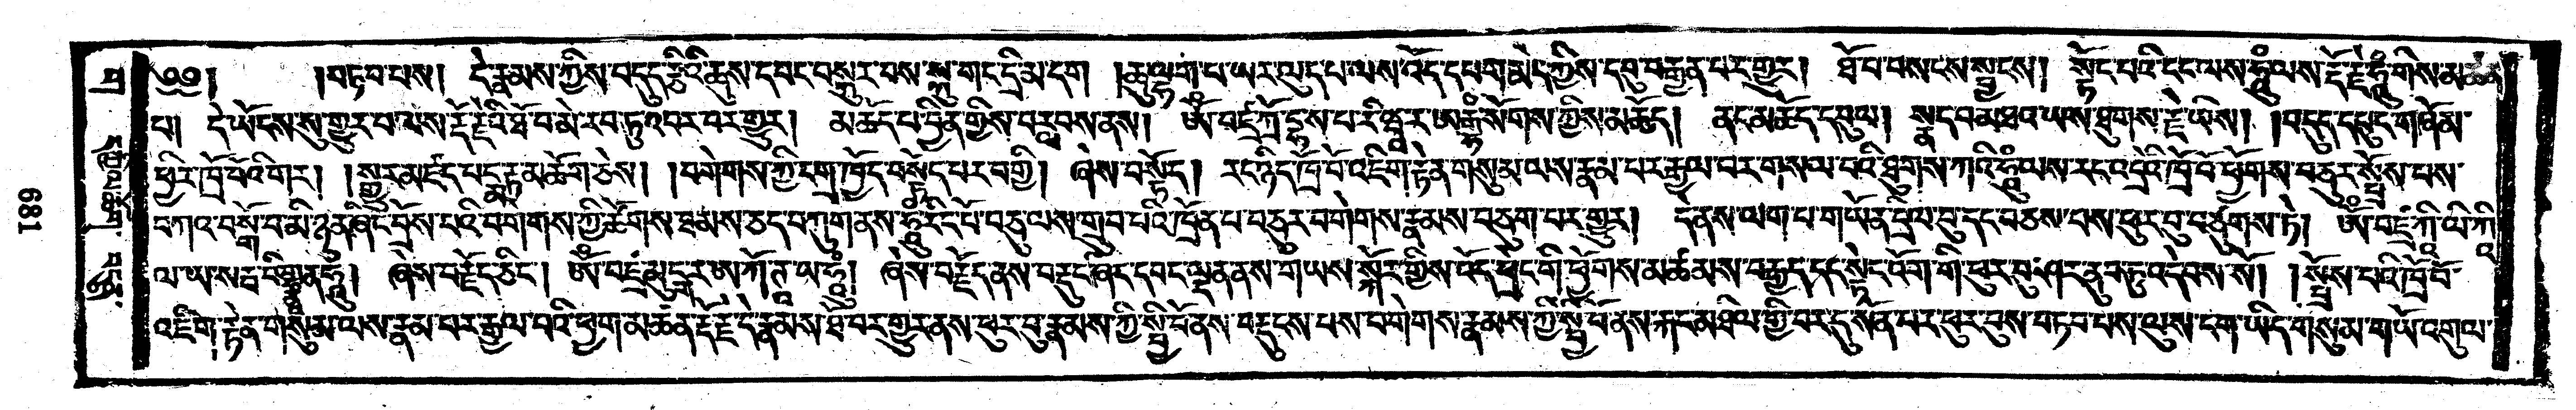༄༅། །བཏབ་པས། དེ་རྣམས་ཀྱིས་བདུད་རྩིའི་ཆུས་དབང་བསྐུར་བས་སྐུ་གང་དྲི་མ་དག །ཆུ་ལྷག་པ་ཡར་ལུད་པ་ལས་འོད་དཔག་མེད་ཀྱིས་དབུ་བརྒྱན་པར་གྱུར། ཐོ་བ་བསངས་སྦྱངས། སྟོང་པའི་ངང་ལས་ཧཱུཾ་ལས་རྡོ་རྗེ་ཧཱུཾ་གིས་མཚན་
པ། དེ་ཡོངས་སུ་གྱུར་བ་ལས་རྡོ་རྗེའི་ཐོ་བ་མེ་རབ་ཏུ་འབར་བར་གྱུར། མཆོད་པ་བྱིན་གྱིས་བརླབས་ནས། ཨོཾ་བཛྲ་ཀྲོ་དྷ་ས་པ་རི་ཝཱ་ར་ཨརྒྷཾ་སོགས་ཀྱིས་མཆོད། ནང་མཆོད་དབུལ། སྣང་བ་མཐའ་ཡས་ཐུགས་རྗེ་ཡིས། །བདུད་དཔུང་གཞོམ་
ཕྱིར་ཁྲོ་བོའི་གར། །སྒྱུར་མཛད་པདམ་རྟ་མཆོག་ཅེས། །བགེགས་ཀྱི་དགྲ་ཁྱོད་བསྟོད་པར་བགྱི། ཞེས་བསྟོད། རང་ཉིད་ཁྲོ་བོ་འཇིག་རྟེན་གསུམ་ལས་རྣམ་པར་རྒྱལ་བར་གསལ་བའི་ཐུགས་ཀའི་ཧཱུཾ་ལས་རང་འདྲེའི་ཁྲོ་བོ་ཕྱོགས་བཅུར་སྤྲོས་པས་
བཀའ་བསྒོ་བ་མི་ཉུན་ཞིང་བྲོས་པའི་བགེགས་ཀྱི་ཚོགས་ཐམས་ཅད་བཀུག་ནས་ཧཱུཾ་རིང་པོ་བཅུ་ལས་གྲུབ་པའི་ཁྲོན་པ་བཅུར་བགེགས་རྣམས་བཅུག་པར་གྱུར། དེ་ནས་ལག་པ་གཡོན་དྲིལ་བུ་དང་བཅས་པས་ཕུར་བུ་བཙུགས་ཏེ། ཨོཾ་བཛྲ་ཀཱི་ལི་ཀཱི་
ལ་ཡ་སརྦ་བིགྷྣཱན་ཧཱུཾ། ཞེས་བརྗོད་ཅིང་། ཨོཾ་བཛྲ་མུངྒ་ར་ཨ་ཀོ་ཊཱ་ཡ་ཧཱུཾ། ཞེས་བརྗོད་ནས་བརྡུང་ཞིང་དབང་ལྡན་ནས་གཡས་སྐོར་གྱིས་འོད་ཕྲེང་གི་ཕྱོགས་མཚམས་བརྒྱད་དང་སྟེང་འོག་གི་ཕུར་བུ་ཤར་ནུབ་ཏུ་འདེབས་སོ། །སྤྲོས་པའི་ཁྲོ་བོ་
འཇིག་རྟེན་གསུམ་ལས་རྣམ་པར་རྒྱལ་བའི་ཕྱག་མཚན་རྡོ་རྗེ་དེ་རྣམས་ཐོ་བར་གྱུར་ནས་ཕུར་བུ་རྣམས་ཀྱི་སྤྱི་བོ་ནས་བརྡུངས་པས་བགེགས་རྣམས་ཀྱི་སྤྱི་བོ་ནས་རྐང་མཐིལ་གྱི་བར་དུ་སོན་པར་ཕུར་བུས་བཏབ་པས་ལུས་ངག་ཡིད་གསུམ་གཡོ་འགུལ་